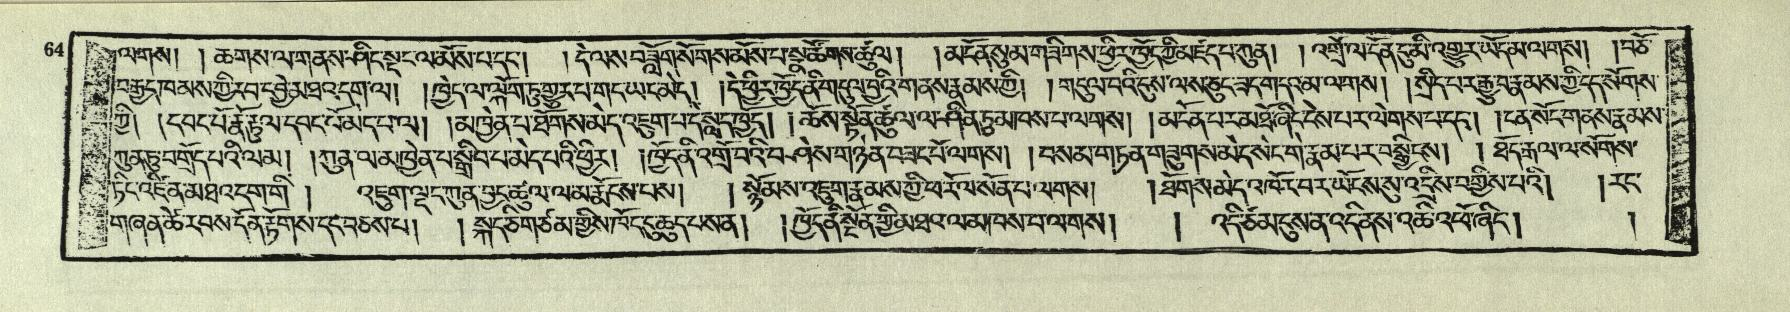ལགས། །ཆགས་ལ་གནས་ཤིང་སྡང་ལ་མོས་པ་དང་། །དེ་ལས་བཟློག་སོགས་མོས་པ་སྣ་ཚོགས་ཚུལ། །མངོན་སུམ་གཟིགས་ཕྱིར་ཁྱོད་ཀྱི་མཛད་པ་ཀུན། །འགྲོ་ལ་དོན་དུ་མི་འགྱུར་ཡོད་མ་ལགས། །བཅོ་
བརྒྱད་ཁམས་ཀྱི་རབ་དབྱེ་མཐའ་དག་ལ། །ཁྱེད་ལ་ལྐོག་ཏུ་གྱུར་པ་གང་ཡང་མེད། །དེ་ཕྱིར་ཁྱོད་ནི་གདུལ་བྱའི་གནས་རྣམས་ཀྱི། །གདུལ་བའི་དུས་ལས་ཅུང་ཟད་གདའ་མ་ལགས། །སྲིད་པར་རྒྱུ་བ་རྣམས་ཀྱི་དད་སོགས་
ཀྱི། །དབང་པོ་རྣོ་རྟུལ་དབང་པོ་མེད་པ་ལ། །མཁྱེན་པ་ཐོགས་མེད་འཇུག་པ་དེ་སླད་ཁྱོད། །ཆོས་སྟོན་ཚུལ་ལ་ཤིན་ཏུ་མཁས་པ་ལགས། །མངོན་པར་མཐོ་ཞིང་ངེས་པར་ལེགས་པ་དང་། །ངན་སོང་གནས་རྣམས་
ཀུན་ཏུ་བགྲོད་པའི་ལམ། །ཀུན་ལ་མཁྱེན་པ་སྒྲིབ་པ་མེད་པའི་ཕྱིར། །ཁྱོད་ནི་འགྲོ་བའི་བཤེས་གཉེན་བཟང་པོ་ལགས། །བསམ་གཏན་གཟུགས་མེད་སེང་གེ་རྣམ་པར་བསྒྱིངས། །ཐོད་རྒལ་ལ་སོགས་
ཏིང་འཛིན་མཐའ་དག་གི། འཇུག་ལྡང་ཀུན་བྱང་ཚུལ་ལ་མ་རྨོངས་པས། །སྙོམས་འཇུག་རྣམས་ཀྱི་ཕ་རོལ་སོན་པ་ལགས། །ཐོགས་མེད་འཁོར་བར་ཡོངས་སུ་འདྲིས་བགྱིས་པའི། །རང་
གཞན་ཚེ་རབས་དོན་རྟོགས་དང་བཅས་པ། །སྐད་ཅིག་ཙམ་གྱིས་ཁོང་དུ་ཆུད་པས་ན། །ཁྱོད་ནི་སྔོན་གྱི་མཐའ་ལ་མཁས་པ་ལགས། །འདི་ཙམ་དུས་ན་འདི་ནས་འཆི་འཕོ་ཞིང་། །